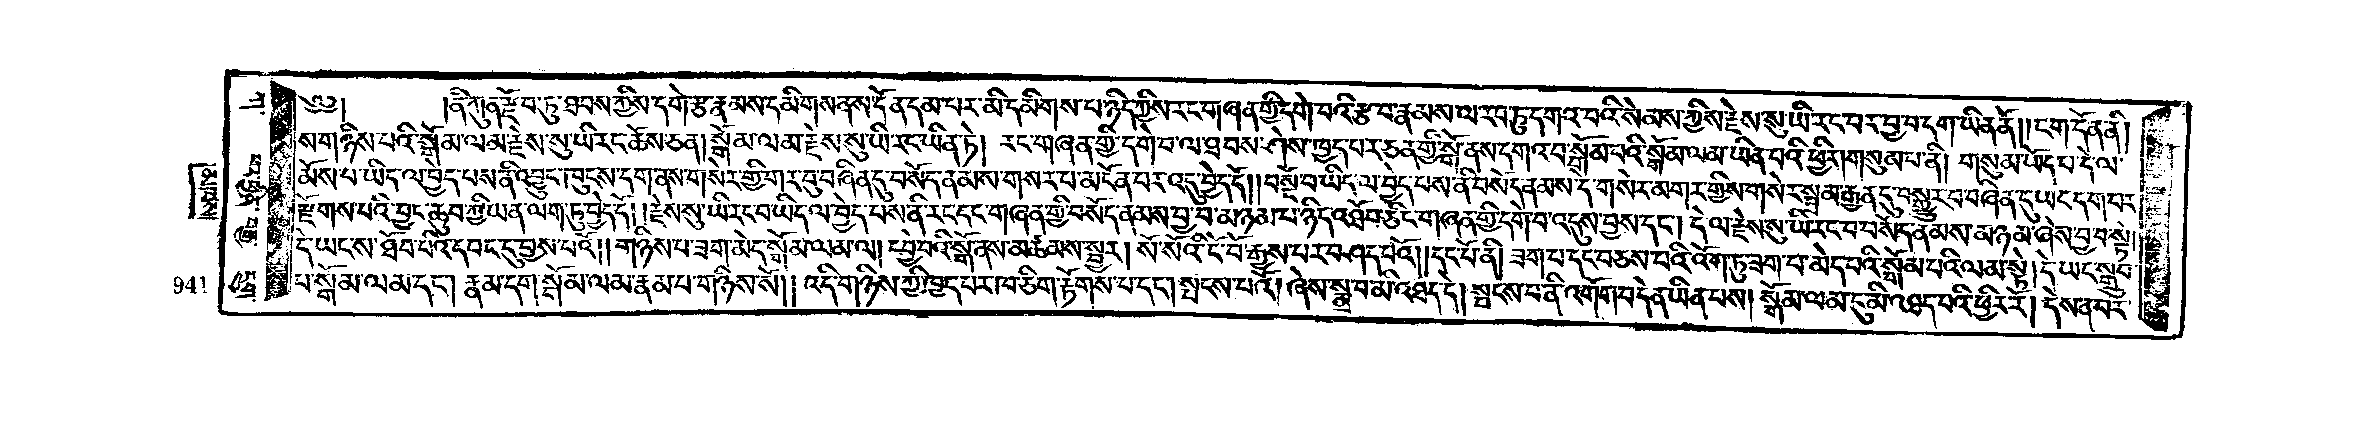༄༅། །ནི་ཀུན་རྫོབ་ཏུ་ཐབས་ཀྱིས་དགེ་རྩ་རྣམས་དམིགས་ནས་དོན་དམ་པར་མི་དམིགས་པ་ཉིད་ཀྱིས་རང་གཞན་གྱི་དགེ་བའི་རྩ་བ་རྣམས་ལ་རབ་ཏུ་དགའ་བའི་སེམས་ཀྱིས་རྗེས་སུ་ཡི་རང་བར་བྱ་བ་དག་ཡིན་ནོ། །ངག་དོན་ནི།
ས་གཉིས་པའི་སྒོམ་ལམ་རྗེས་སུ་ཡི་རང་ཆོས་ཅན། སྒོམ་ལམ་རྗེས་སུ་ཡི་རང་ཡིན་ཏེ། རང་གཞན་གྱི་དགེ་བ་ལ་ཐབས་ཤེས་ཁྱད་པར་ཅན་གྱི་སྒོ་ནས་དགའ་བ་སྒོམ་པའི་སྒོམ་ལམ་ཡིན་པའི་ཕྱིར། གསུམ་པ་ནི། གསུམ་ཡོད་པ་དེ་ལ་
མོས་པ་ཡིད་ལ་བྱེད་པས་ནི་འབྱུང་ཁུངས་དག་ནས་གསེར་གྱི་གར་བུ་བཞིན་དུ་བསོད་ནམས་གསར་པ་མངོན་པར་འདུ་བྱེད་དོ། །བསྔོ་བ་ཡིད་ལ་བྱེད་པས་ནི་བསོད་ནམས་དེ་གསེར་མགར་གྱིས་གསེར་སྦྲམ་རྒྱན་དུ་བསྒྱུར་བ་བཞིན་དུ་ཡང་དག་པར་
རྫོགས་པའི་བྱང་ཆུབ་ཀྱི་ཡན་ལག་ཏུ་བྱེད་དོ། །རྗེས་སུ་ཡི་རང་བ་ཡིད་ལ་བྱེད་པས་ནི་རང་དང་གཞན་གྱི་བསོད་ནམས་བྱ་བ་མཉམ་པ་ཉིད་འཐོབ་ཅིང་གཞན་གྱི་དགེ་བ་འདུས་བྱས་དང་། དེ་ལ་རྗེས་སུ་ཡི་རང་བ་བསོད་ནམས་མཉམ་ཞེས་བྱ་བ་སྟེ།
དེ་ཡང་ས་ཐོབ་པའི་དབང་དུ་བྱས་པའོ། །གཉིས་པ་ཟག་མེད་སྒོམ་ལམ་ལ། དབྱེ་བའི་སྒོ་ནས་མཚམས་སྦྱར། སོ་སོའོ་ངོ་བོ་རྒྱུས་པར་བཤད་པའོ། །དང་པོ་ནི། ཟག་པ་དང་བཅས་པའི་འོག་ཏུ་ཟག་པ་མེད་པའི་སྒོམ་པའི་ལམ་སྟེ། དེ་ཡང་སྒྲུབ་
པ་སྒོམ་ལམ་དང་། རྣམ་དག་སྒོམ་ལམ་རྣམ་པ་གཉིས་སོ། །འདི་གཉིས་ཀྱི་ཁྱད་པར་ཁ་ཅིག་རྟོགས་པ་དང་། སྤངས་པའོ། ཞེས་སྨྲ་བ་མི་འཐད་དེ། སྤངས་པ་ནི་འགོག་བདེན་ཡིན་པས། སྒོམ་ལམ་དུ་མི་འཐད་པའི་ཕྱིར་རོ། དེས་ན་བར་